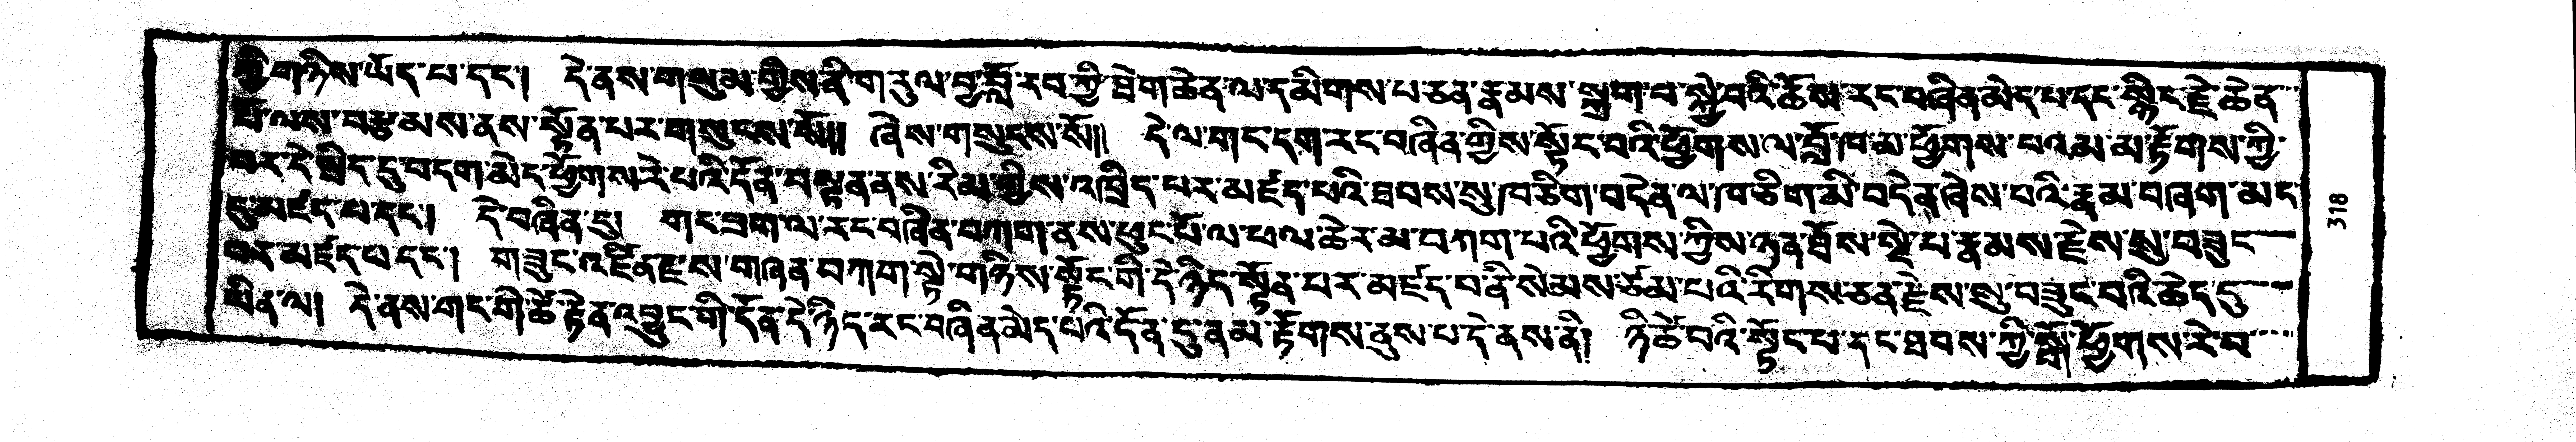ཀྱི་གཉིས་ཡོད་པ་དང་། དེ་ནས་གསུམ་གྱིས་ནི་ག་རུལ་བྱ་བློ་རབ་ཀྱི་ཐེག་ཆེན་ལ་དམིགས་པ་ཅན་རྣམས་སྐྲག་པ་སྐྱེ་བའི་ཆོས་རང་བཞིན་མེད་པ་དང་སྙིང་རྗེ་ཆེན་
པོ་ལས་བརྩམས་ནས་སྟོན་པར་གསུངས་སོ། །ཞེས་གསུངས་སོ། །དེ་ལ་གང་དག་རང་བཞིན་གྱིས་སྟོང་བའི་ཕྱོགས་ལ་བློ་ཁ་མ་ཕྱོགས་པའམ་མ་རྟོགས་ཀྱི་
བར་དེ་སྲིད་དུ་བདག་མེད་ཕྱོགས་རེ་པའི་དོན་བསྟན་ནས་རིམ་གྱིས་འཁྲིད་པར་མཛད་པའི་ཐབས་སུ་ཁ་ཅིག་བདེན་ལ་ཁ་ཅིག་མི་བདེན་ཞེས་པའི་རྣམ་བཞག་མང་
དུ་མཛད་པ་དང་། དེ་བཞིན་དུ། གང་ཟག་ལ་རང་བཞིན་བཀག་ནས་ཕུང་པོ་ལ་ཕལ་ཆེར་མ་བཀག་པའི་ཕྱོགས་ཀྱིས་ཉན་ཐོས་སྡེ་པ་རྣམས་རྗེས་སུ་བཟུང་
བར་མཛད་པ་དང་། གཟུང་འཛིན་རྫས་གཞན་བཀག་སྟེ་གཉིས་སྟོང་གི་དེ་ཉིད་སྟོན་པར་མཛད་པ་ནི་སེམས་ཙམ་པའི་རིགས་ཅན་རྗེས་སུ་བཟུང་བའི་ཆེད་དུ་
ཡིན་ལ། དེ་ནས་གང་གི་ཚེ་རྟེན་འབྱུང་གི་དོན་དེ་ཉིད་རང་བཞིན་མེད་པའི་དོན་དུ་ནམ་རྟོགས་ནུས་པ་དེ་ནས་ནི། ཉི་ཚེ་བའི་སྟོང་བ་དང་ཐབས་ཀྱི་སྒོ་ཕྱོགས་རེ་བ་